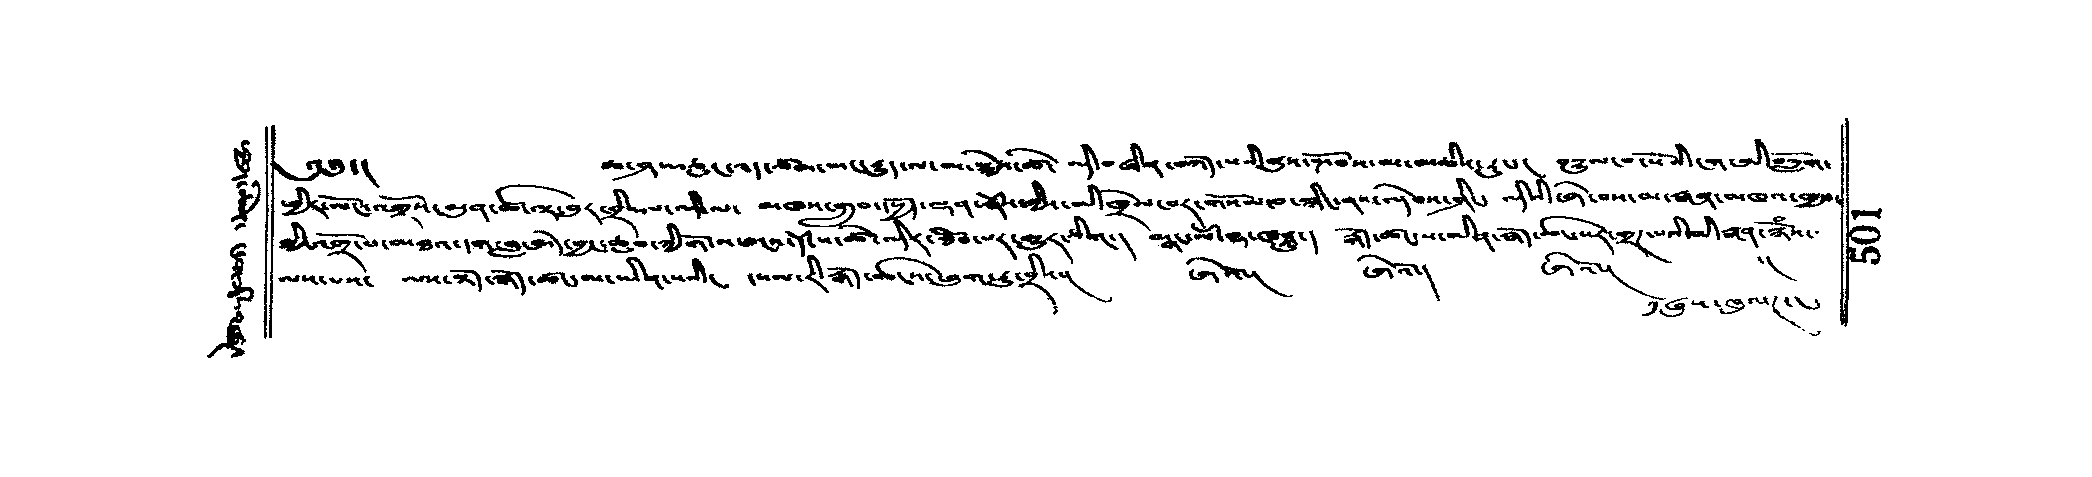ཆ་ཤས་ཅུང་ཟད་ཙམ་ཡང་རྒྱུད་ལ་མ་སྐྱེས་ཚེ། འདི་བཞིན་བཀོད་པའི་ནུས་སྤོབས་མ་མཆིས་རུང་། བསྐུལ་བ་པོའི་ངག་མི་བཟློག་
ཕྱིར་ལོང་འགྲོས་མུན་ཚད་ལྟ་བུར་བྲིས་པ་འདི་ལ། མཁས་གྲུབ་དཔྱོད་ལྡན་རྣམས་ཀྱིས་མི་ཁྲེལ་བར་གསོལ་བ་སྙིང་ནས་འདེབས་ཤིང་། འདིའི་དགེ་བས་མ་རྒན་མཁའ་ཁྱབ་
ཀྱི་འགྲོ་བ་མཐའ་དག་བླ་མེད་བྱང་ཆུབ་ཀྱི་གོ་འཕང་དམ་པ་ཚེ་འདིར་ཐོབ་པར་གྱུར་ཅིག མངྒ་ལམ་བྷ་ཝནྟུ། རྒོད་ཚང་པ་མིན་རྒོད་ཚང་པར། གྲགས་པའི་མི་རྒན་སྙམས་
ལས་པས། །ལ་སྟོད་སྒོད་ཚང་མ་ཡིན་པའི། །དཔལ་རི་རྒོད་ཚང་ཕུག་ཏུ་བྲིས།། དགེའོ།།